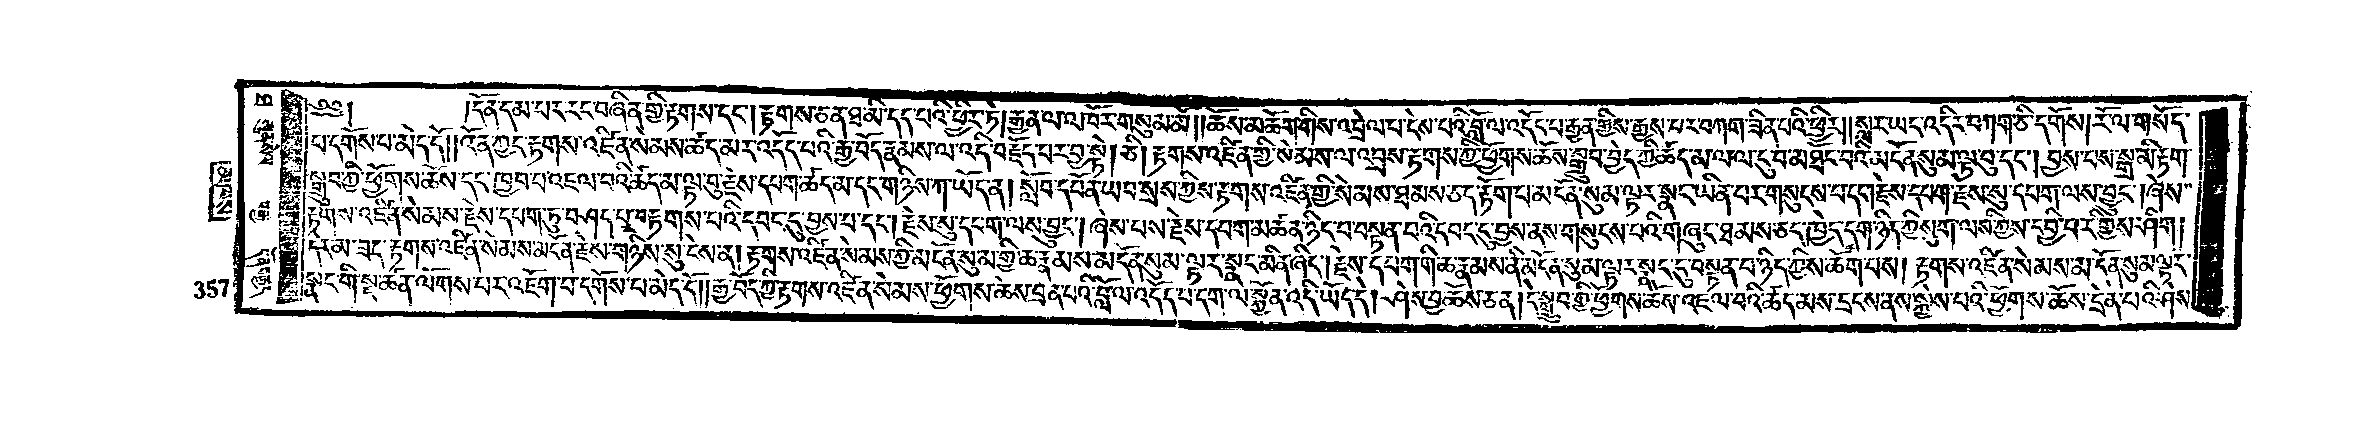༄༅། །དོན་དམ་པར་རང་བཞིན་གྱི་རྟགས་དང་། རྟགས་ཅན་ཐ་མི་དད་པའི་ཕྱིར་ཏེ། རྒྱན་ལ་འཁོར་གསུམ་མོ། །ཆོས་མཆོག་གིས་འབྲེལ་པ་ངེས་པའི་བློ་ལ་འདོད་པ་རྒྱན་གྱིས་རྒྱས་པར་བཀག་ཟིན་པའི་ཕྱིར། །སླར་ཡང་འདིར་བཀག་ཅི་དགོས། རོ་ལ་གསོད་
པ་དགོས་པ་མེད་དོ། །འོན་ཀྱང་རྟགས་འཛིན་སེམས་ཚད་མར་འདོད་པའི་རྒྱ་བོད་རྣམས་ལ་འདི་བརྗོད་པར་བྱ་སྟེ། ཅི། རྟགས་འཛིན་གྱི་སེམས་ལ་འབྲས་རྟགས་ཀྱི་ཕྱོགས་ཆོས་སྒྲུབ་བྱེད་ཀྱི་ཚད་མ་ལ་ལ་དུ་བ་མཐོང་བའི་མངོན་སུམ་ལྟ་བུ་དང་། བྱས་པས་སྒྲ་མི་རྟག་
སྒྲུབ་ཀྱི་ཕྱོགས་ཆོས་དང་ཁྱབ་པ་འཇལ་བའི་ཚད་མ་ལྟ་བུ་རྗེས་དཔག་ཚད་མ་དང་གཉིས་ཀ་ཡོད་ན། སློབ་དཔོན་ཡབ་སྲས་ཀྱིས་རྟགས་འཛིན་གྱི་སེམས་ཐམས་ཅད་རྟོག་པ་མངོན་སུམ་ལྟར་སྣང་ཡིན་པར་གསུངས་པ་དང་། རྗེས་དཔག་རྗེས་སུ་དཔག་ལས་བྱུང་། ཞེས་
རྟགས་འཛིན་སེམས་རྗེས་དཔག་ཏུ་བཤད་པ་བརྟགས་པའི་དབང་དུ་བྱས་པ་དང་། རྗེས་སུ་དཔག་ལས་བྱུང་། ཞེས་པས་རྗེས་དཔག་མཚན་ཉིད་པ་བསྟན་པའི་དབང་དུ་བྱས་ནས་གསུངས་པའི་གཞུང་ཐམས་ཅད་ཁྱེད་དག་ཉིད་ཀྱི་སུག་ལས་ཀྱིས་དབྱི་བར་གྱིས་ཤིག །
དེར་མ་ཟད་རྟགས་འཛིན་སེམས་མངོན་རྗེས་གཉིས་སུ་ངེས་ན། རྟགས་འཛིན་སེམས་ཀྱི་མངོན་སུམ་གྱི་ཆ་རྣམས་མངོན་སུམ་ལྟར་སྣང་མིན་ཞིང་། རྗེས་དཔག་གི་ཆ་རྣམས་ནི་མངོན་སུམ་ལྟར་སྣང་དུ་བསྟན་པ་ཉིད་ཀྱིས་ཚོག་པས། རྟགས་འཛིན་སེམས་མངོན་སུམ་ལྟར་
སྣང་གི་སྔ་ཚན་ལོགས་པར་འཇོག་པ་དགོས་པ་མེད་དོ། །རྒྱ་བོད་ཀྱི་རྟགས་འཛིན་སེམས་ཕྱོགས་ཆོས་དྲན་པའི་བློ་ལ་འདོད་པ་དག་ལ་སྐྱོན་འདི་ཡོད་དེ། ཤེས་བྱ་ཆོས་ཅན། དེ་སྒྲུབ་ཀྱི་ཕྱོགས་ཆོས་འཇལ་བའི་ཚད་མས་དྲངས་ནས་སྐྱེས་པའི་ཕྱོགས་ཆོས་དྲེན་པའི་ཤེས་